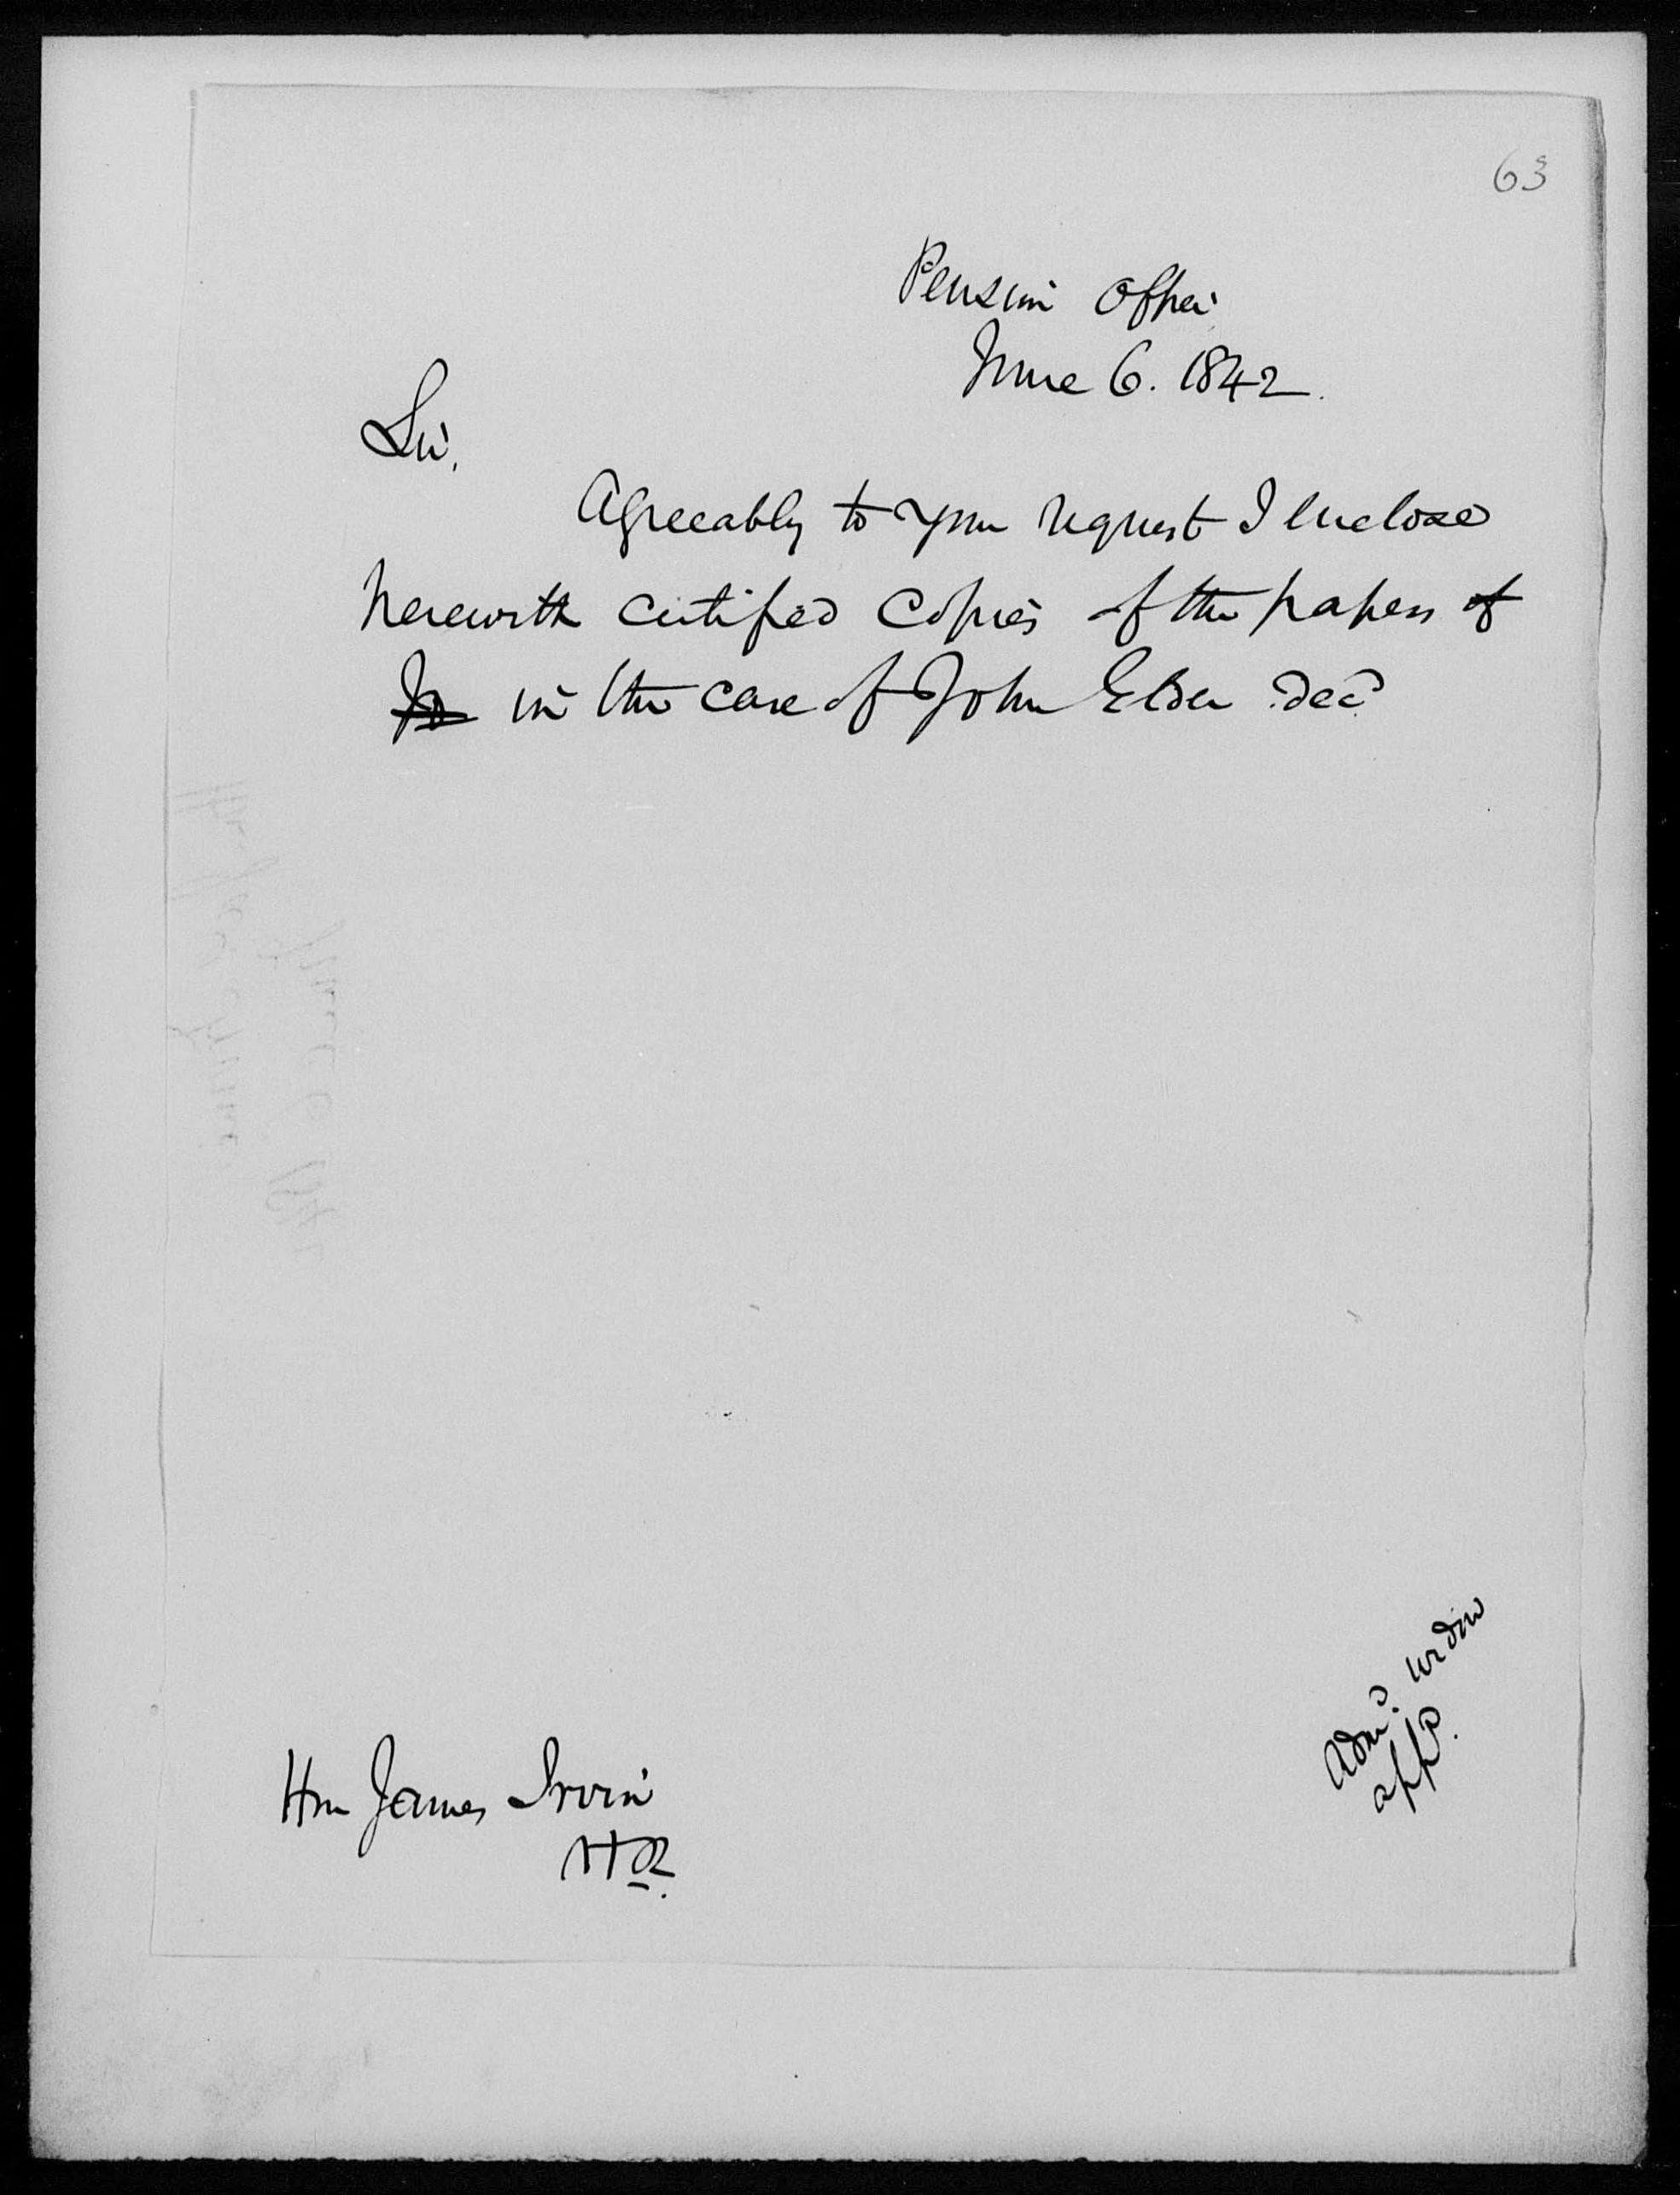Pension Office               63
                                  June 6 1842         [hand]
Sir, 
       Agreeably to your request I enclose herewith certified copies of the papers of[crossed out partial word] in the case of John Elder Esq. dec.[deceased].



Hon. James Irvin          A. Jm.? Irvin att.
Ator.[Attorney]             [handwritten]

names: James Irvin, John Elder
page: 49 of 80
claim: widow's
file: W. 24117, John Elder, Penn.